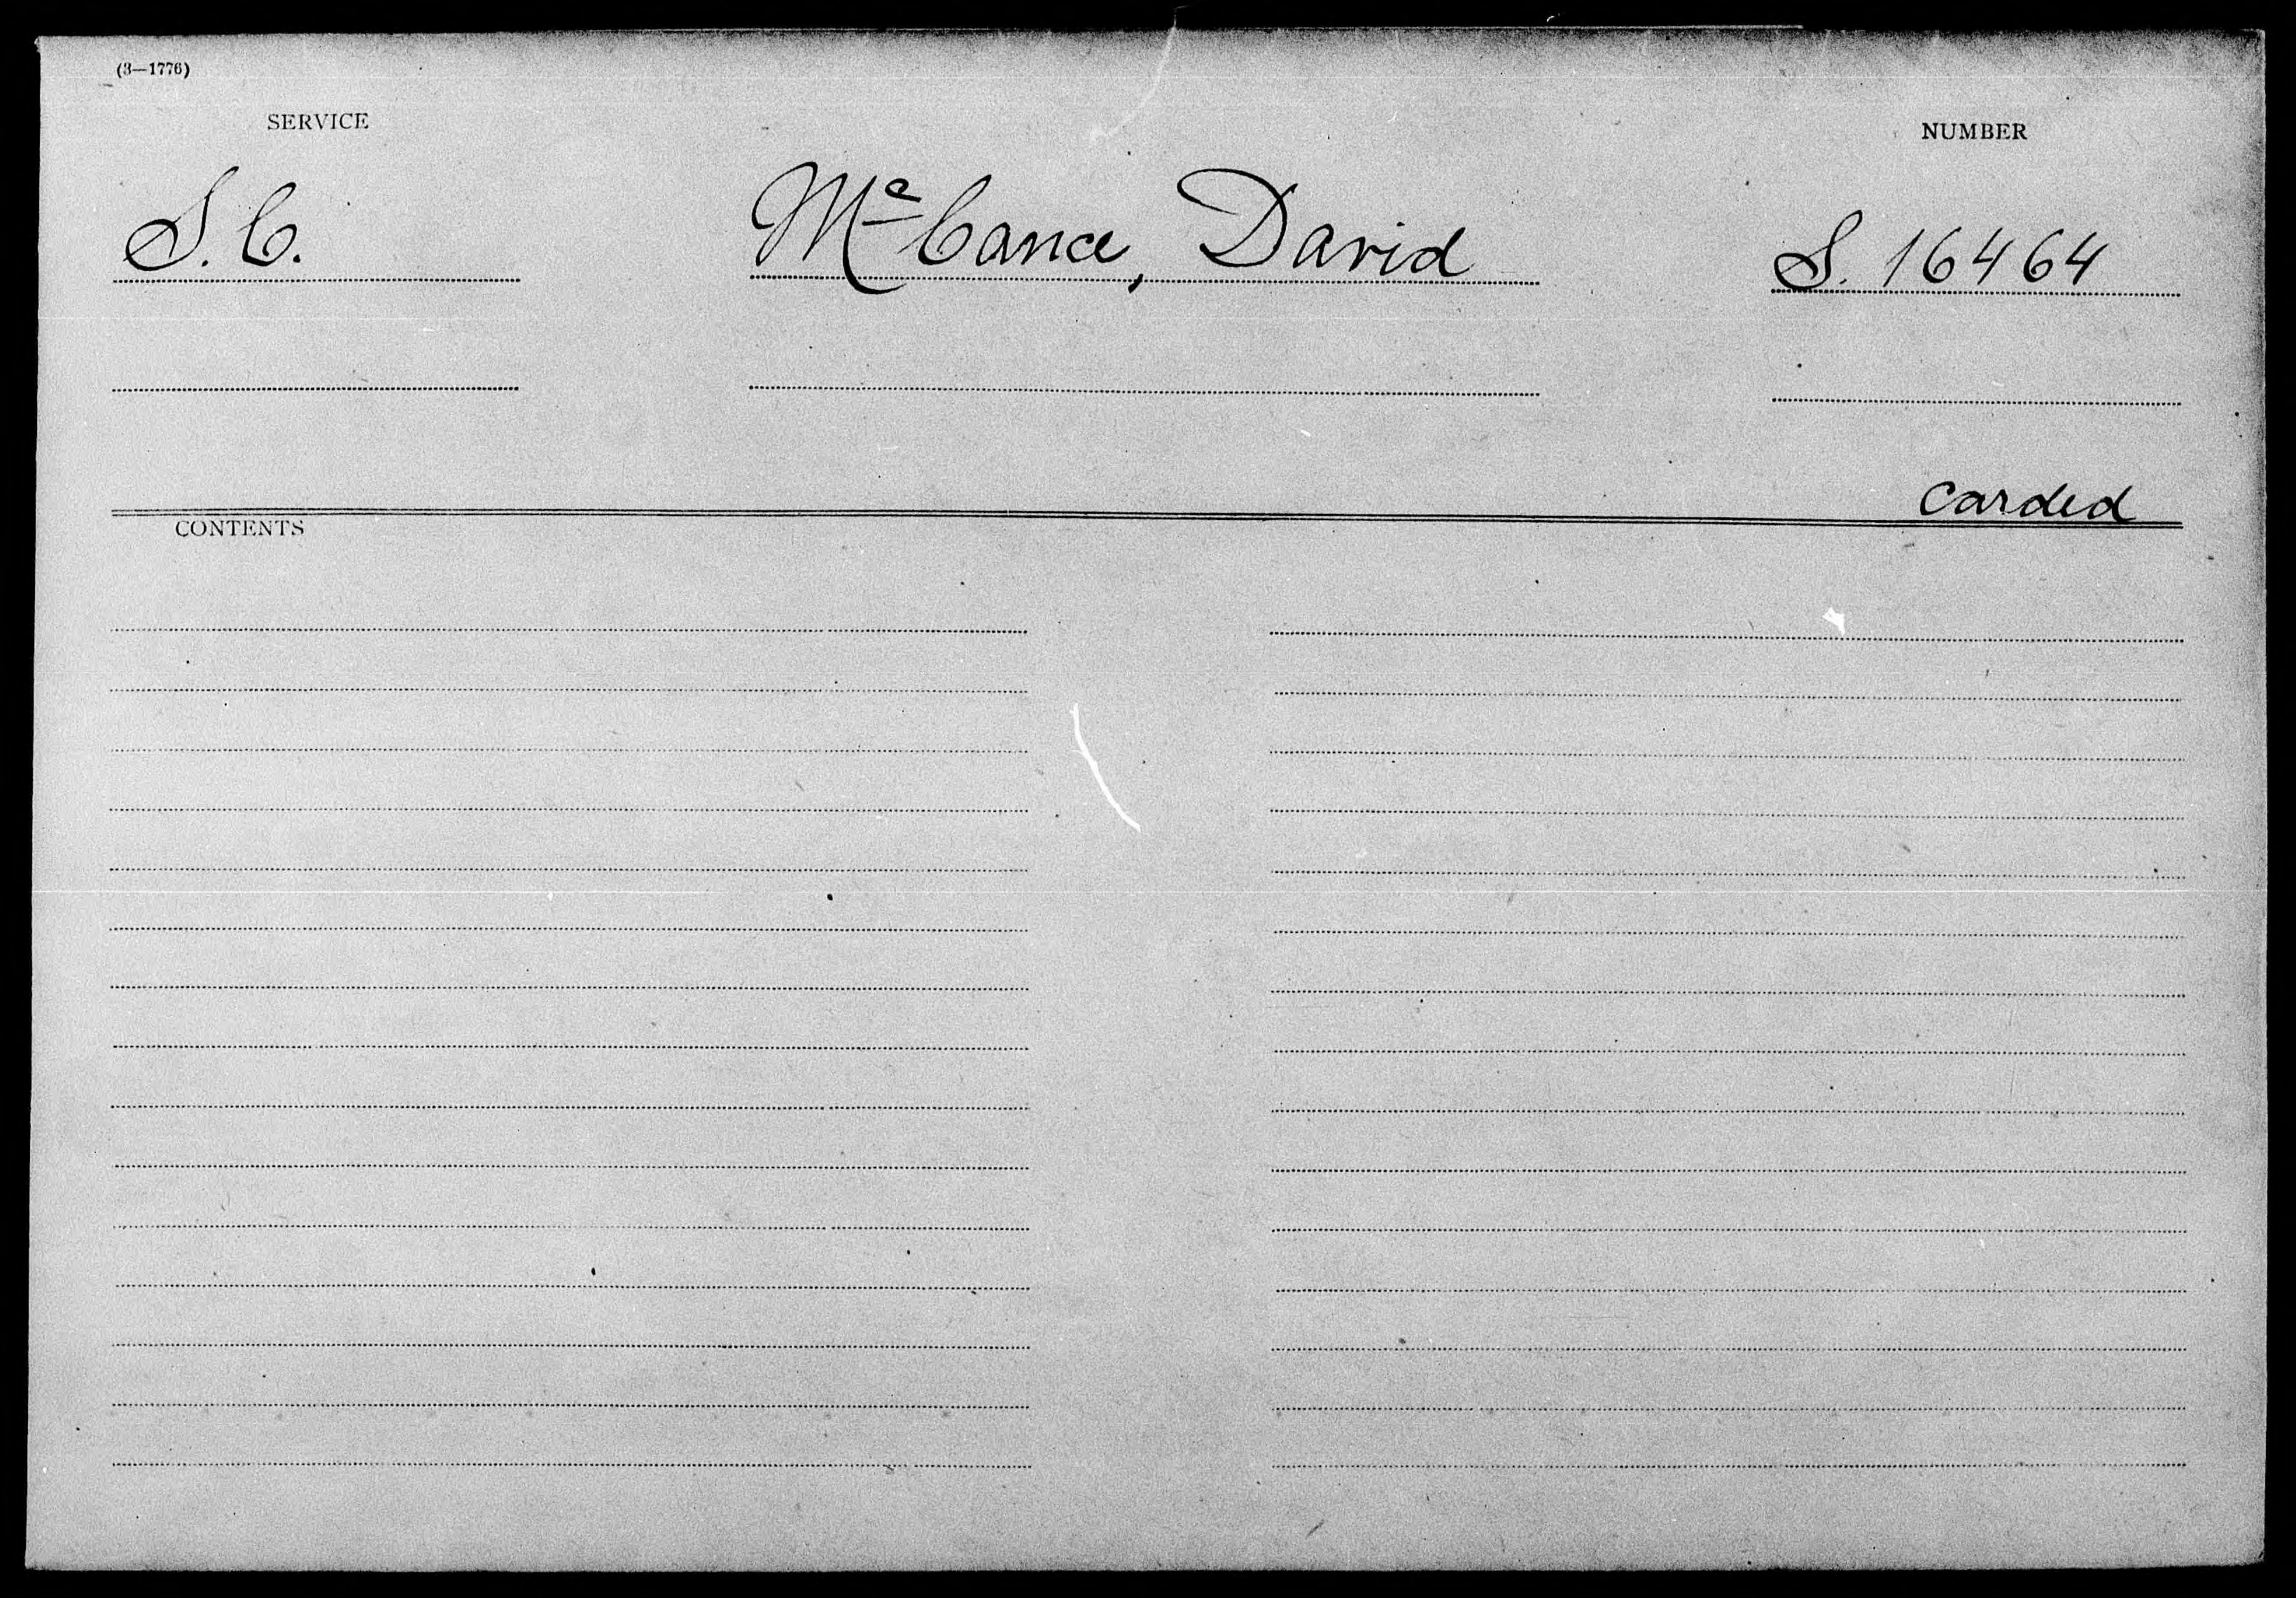(3 - 1776 )
SERVICE 
S. C.
McCance, David
NUMBER
S. 16464
-
carded
CONTENTS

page: 1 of 13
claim: survivor's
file: S. 16464, for David Mc Cance, South Carolina